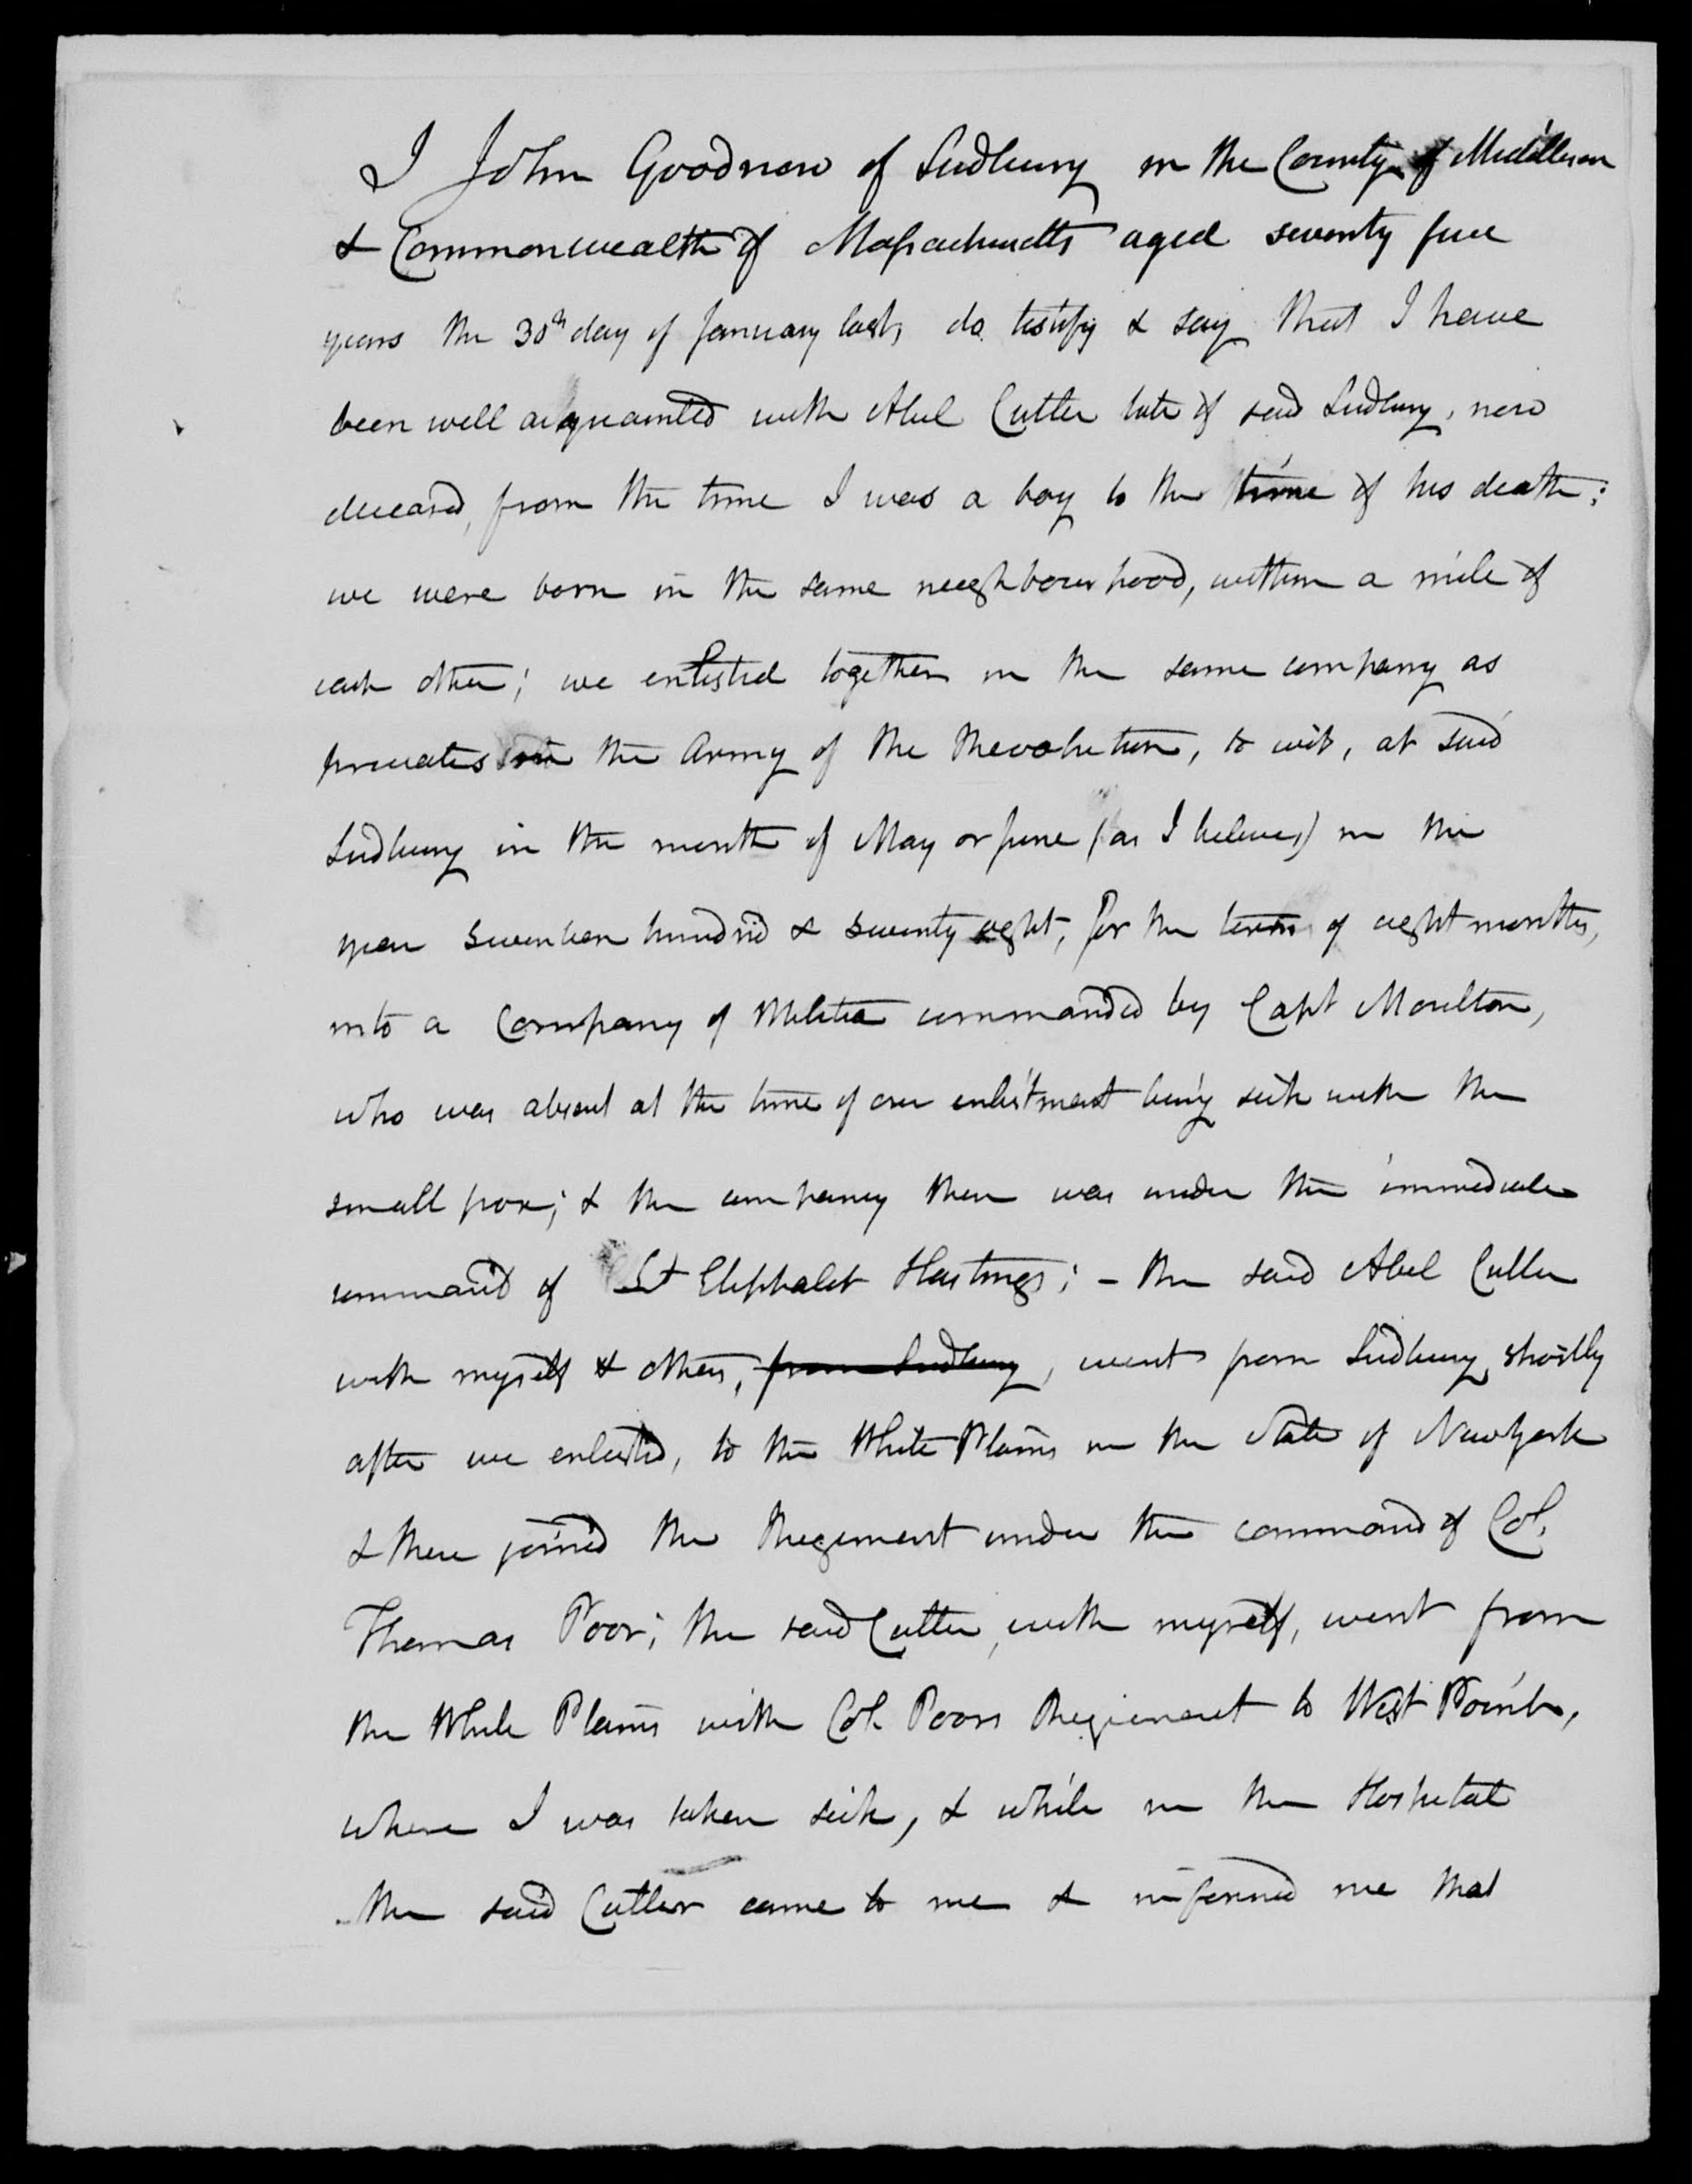I, John Goodnow of Sudbury in the County of Middlesex and Commonwealth of Massachusetts, aged 75 years the 30 Jan last, do testify and say that I have been well acquainted with Abel Cutler late of said Sudbury, now deceased, from the time I was a boy to the time of his death: we were born in the same neighborhood, within a mile of each other; we enlisted together in the same company as privates in the army of the revolution, to wit, at said Sudbury in the month of May or June (as I believe) in the year 1778 for the term of eight months into a company of militia commanded by Capt Moulton, who was about at the time of our enlistment being sick with the small pox, and the company then was under the immediate command of St. Eliphalet Hastings; the said Abel Cutler with myself and others went from Sudbury shortly after we enlisted to the White Plains in the state of New York and there joined the regiment under the command of col Thomas Poor; the said Cutler, with myself, went from the White Plains with Col. Poor's regiment to West Point, where I was when sick and while in the hospital the said Cutler came to me and informed me that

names: Abel Cutler, Cutler, John Goodnow, Cutler, Thomas Poor, Elephalet Hastings, Moulton, Abel Cutler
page: 17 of 22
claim: widow's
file: W. 14,552, Abel Cutler, Mass.